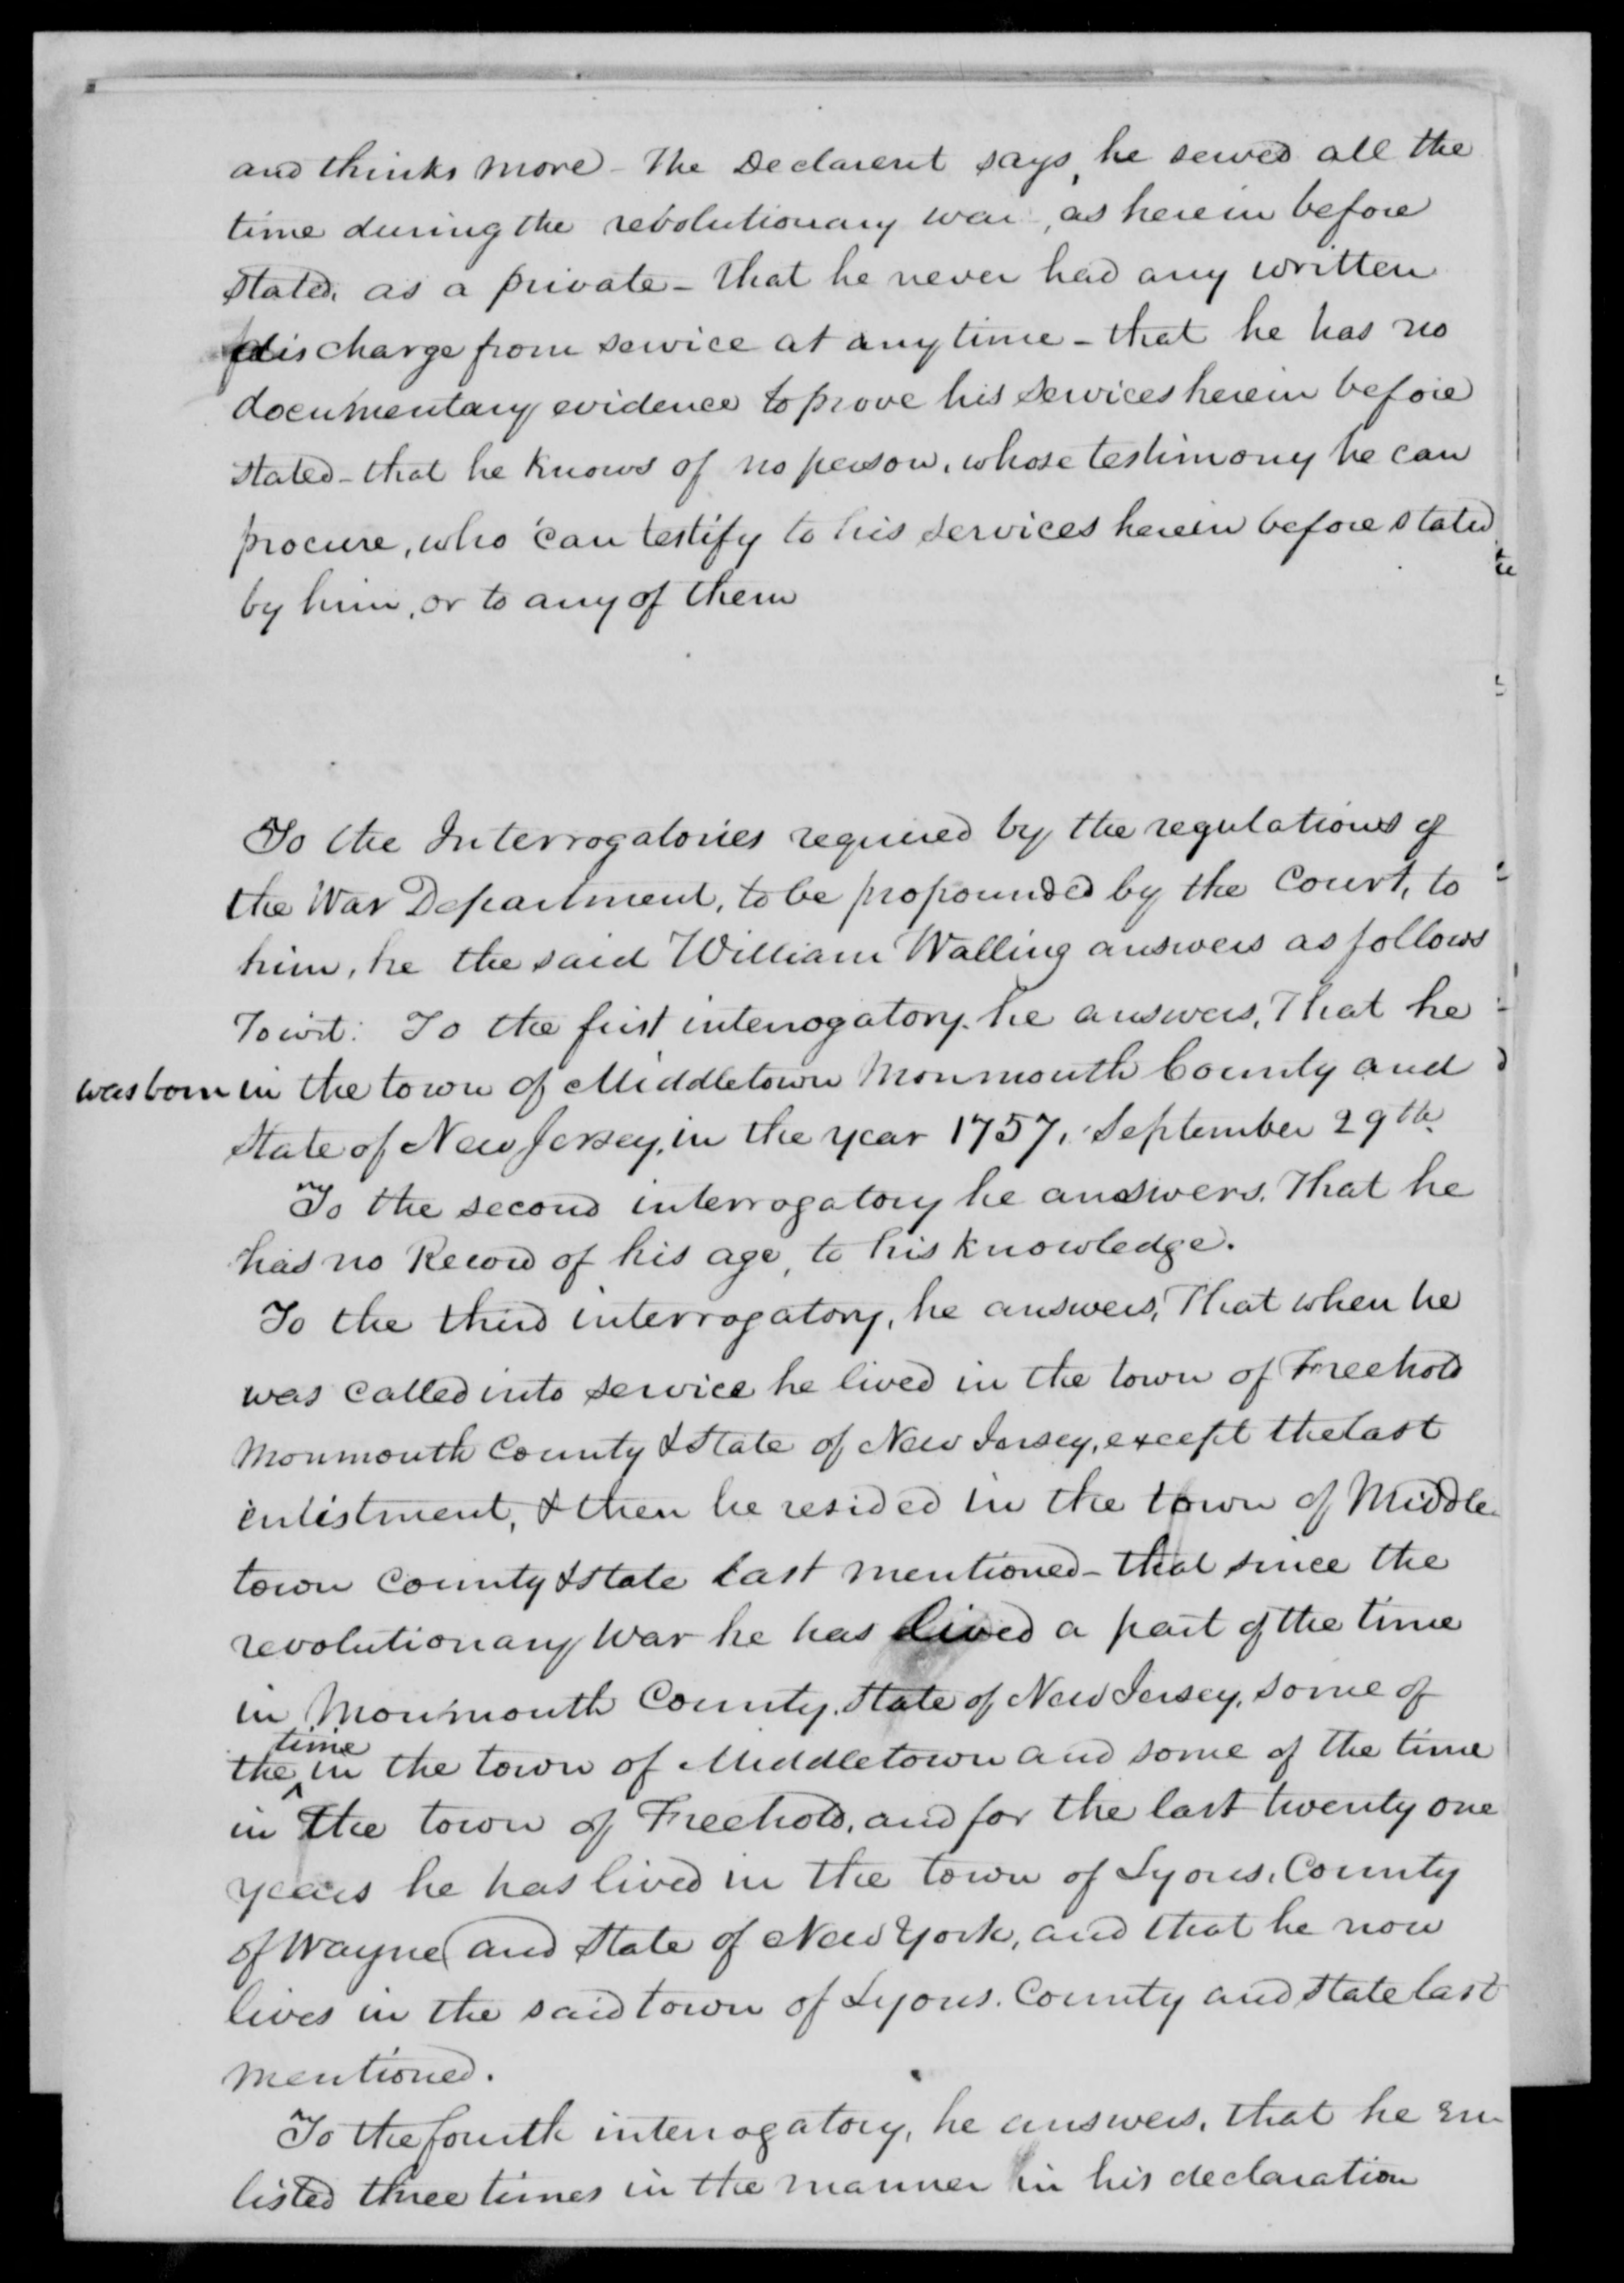and thinks more - the declared says he served all the time during the revolutionary war, as herein before stated, as a private - that he never had any written discharge from service at any time - that he has no documentary evidence to prove his services herein before stated - that he knows of no person, whose testimony he can procure, who can testify to his services herein before stated by him, or to any of them.

To the Interrogatories required by the regulations of the War Department, to be propounded by the Court, to him, he the said William Walling answers as follows. To wit: To the first interrogatory, he answers that he was born in the town of Middletown Monmouth County and State of New Jersey in the year 1757, September 29th.  To the second interrogatory, he answers that he has no record of his age to his knowledge.  To the third interrogatory, he answers that when he was called into service he lived in the town of Freehold Monmouth County & State of New Jersey, except that last enlistment & then he resided in the town of Middletown County & State last mentioned - that since the revolutionary war he has lived a part of the time in Monmouth County State of New Jersey, some of the time in the town of Middletown and some of the time in the town of Freehold, and for the last twenty one years he has lived in the town of Lyons, County of Wayne and the State of New York, and that he now lives in the said town of Lyons, County and State last mentioned.  To the fourth interrogatory, he answers that he enlisted three times in the manner in his declaration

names: William Walling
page: 14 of 66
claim: widow's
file: W. 19588, William Walling, New Jersey